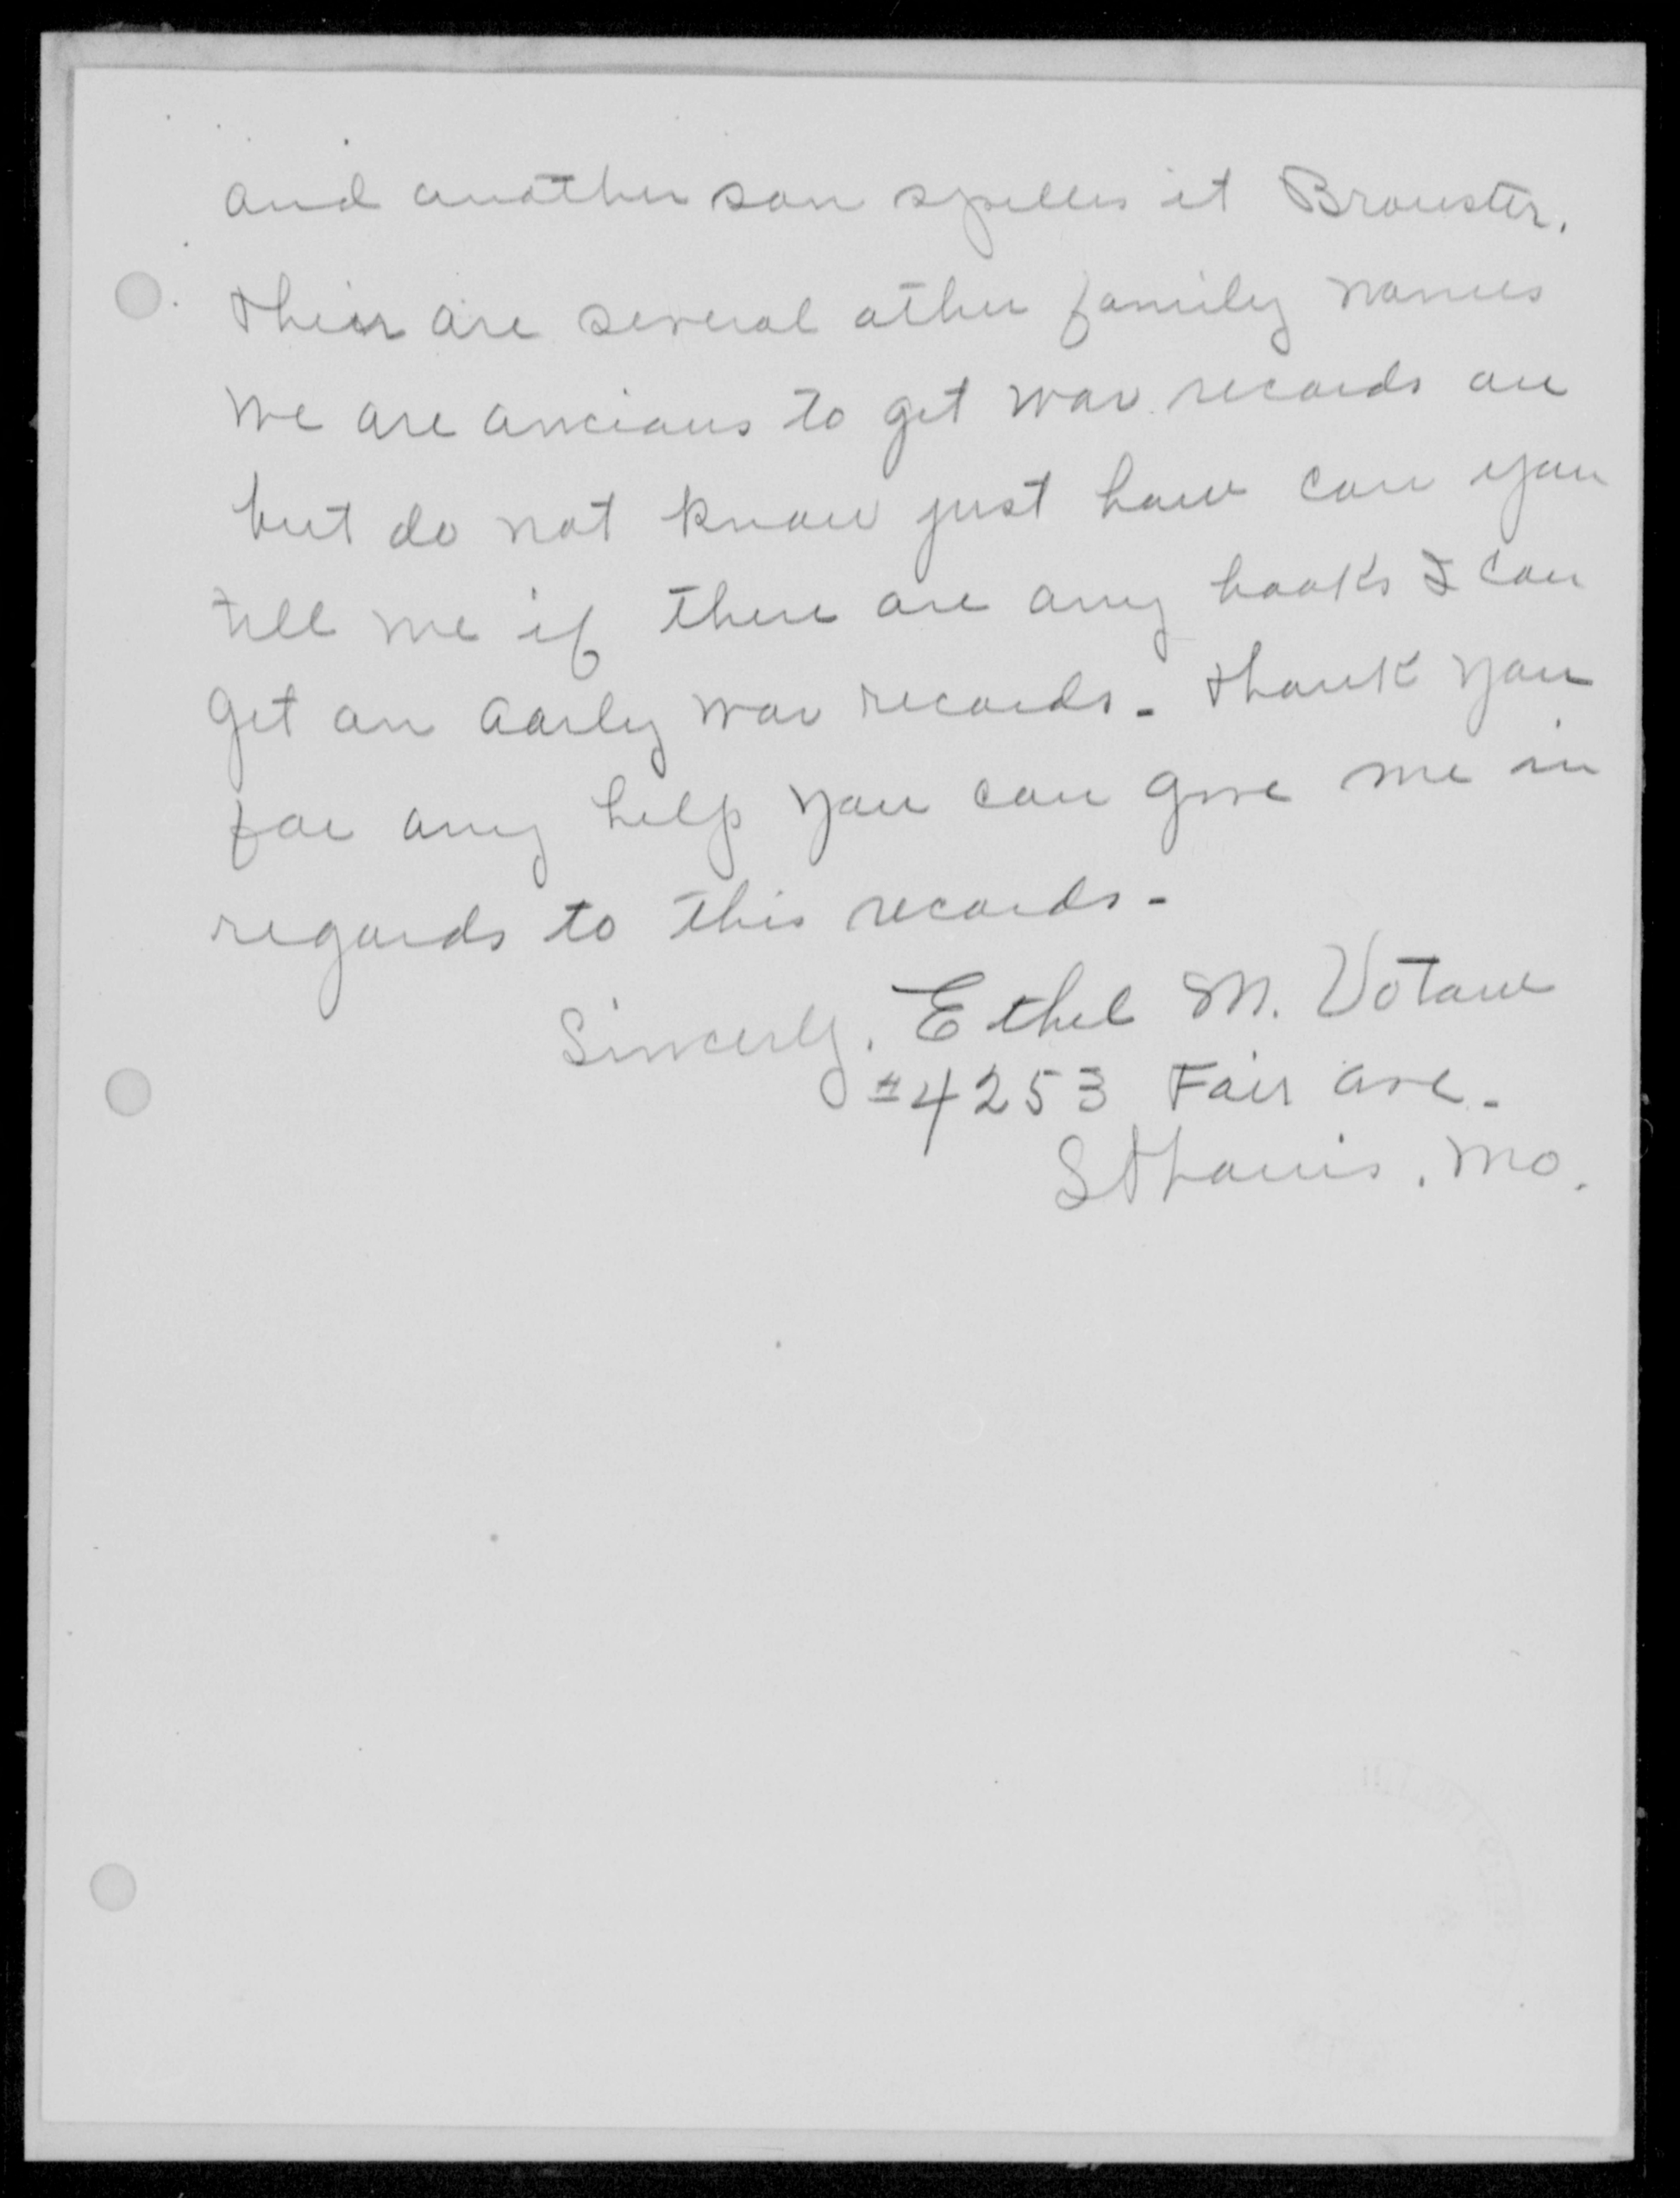and another son spells it Brouster
their are several other family names
we are ancious [anxious] to get war records all
but do not know just how can you
tell me if there are any books I can
get on early was records. Thank you
for any help you can give me in
regard to this records-
Sincerly [Sincerely], Ethel M. Votaw
#4253 Fair Ave
St Louis, Mo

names: Ethel M Votaw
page: 40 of 51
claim: rejected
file: R. 10,921, William Vawter, Va.